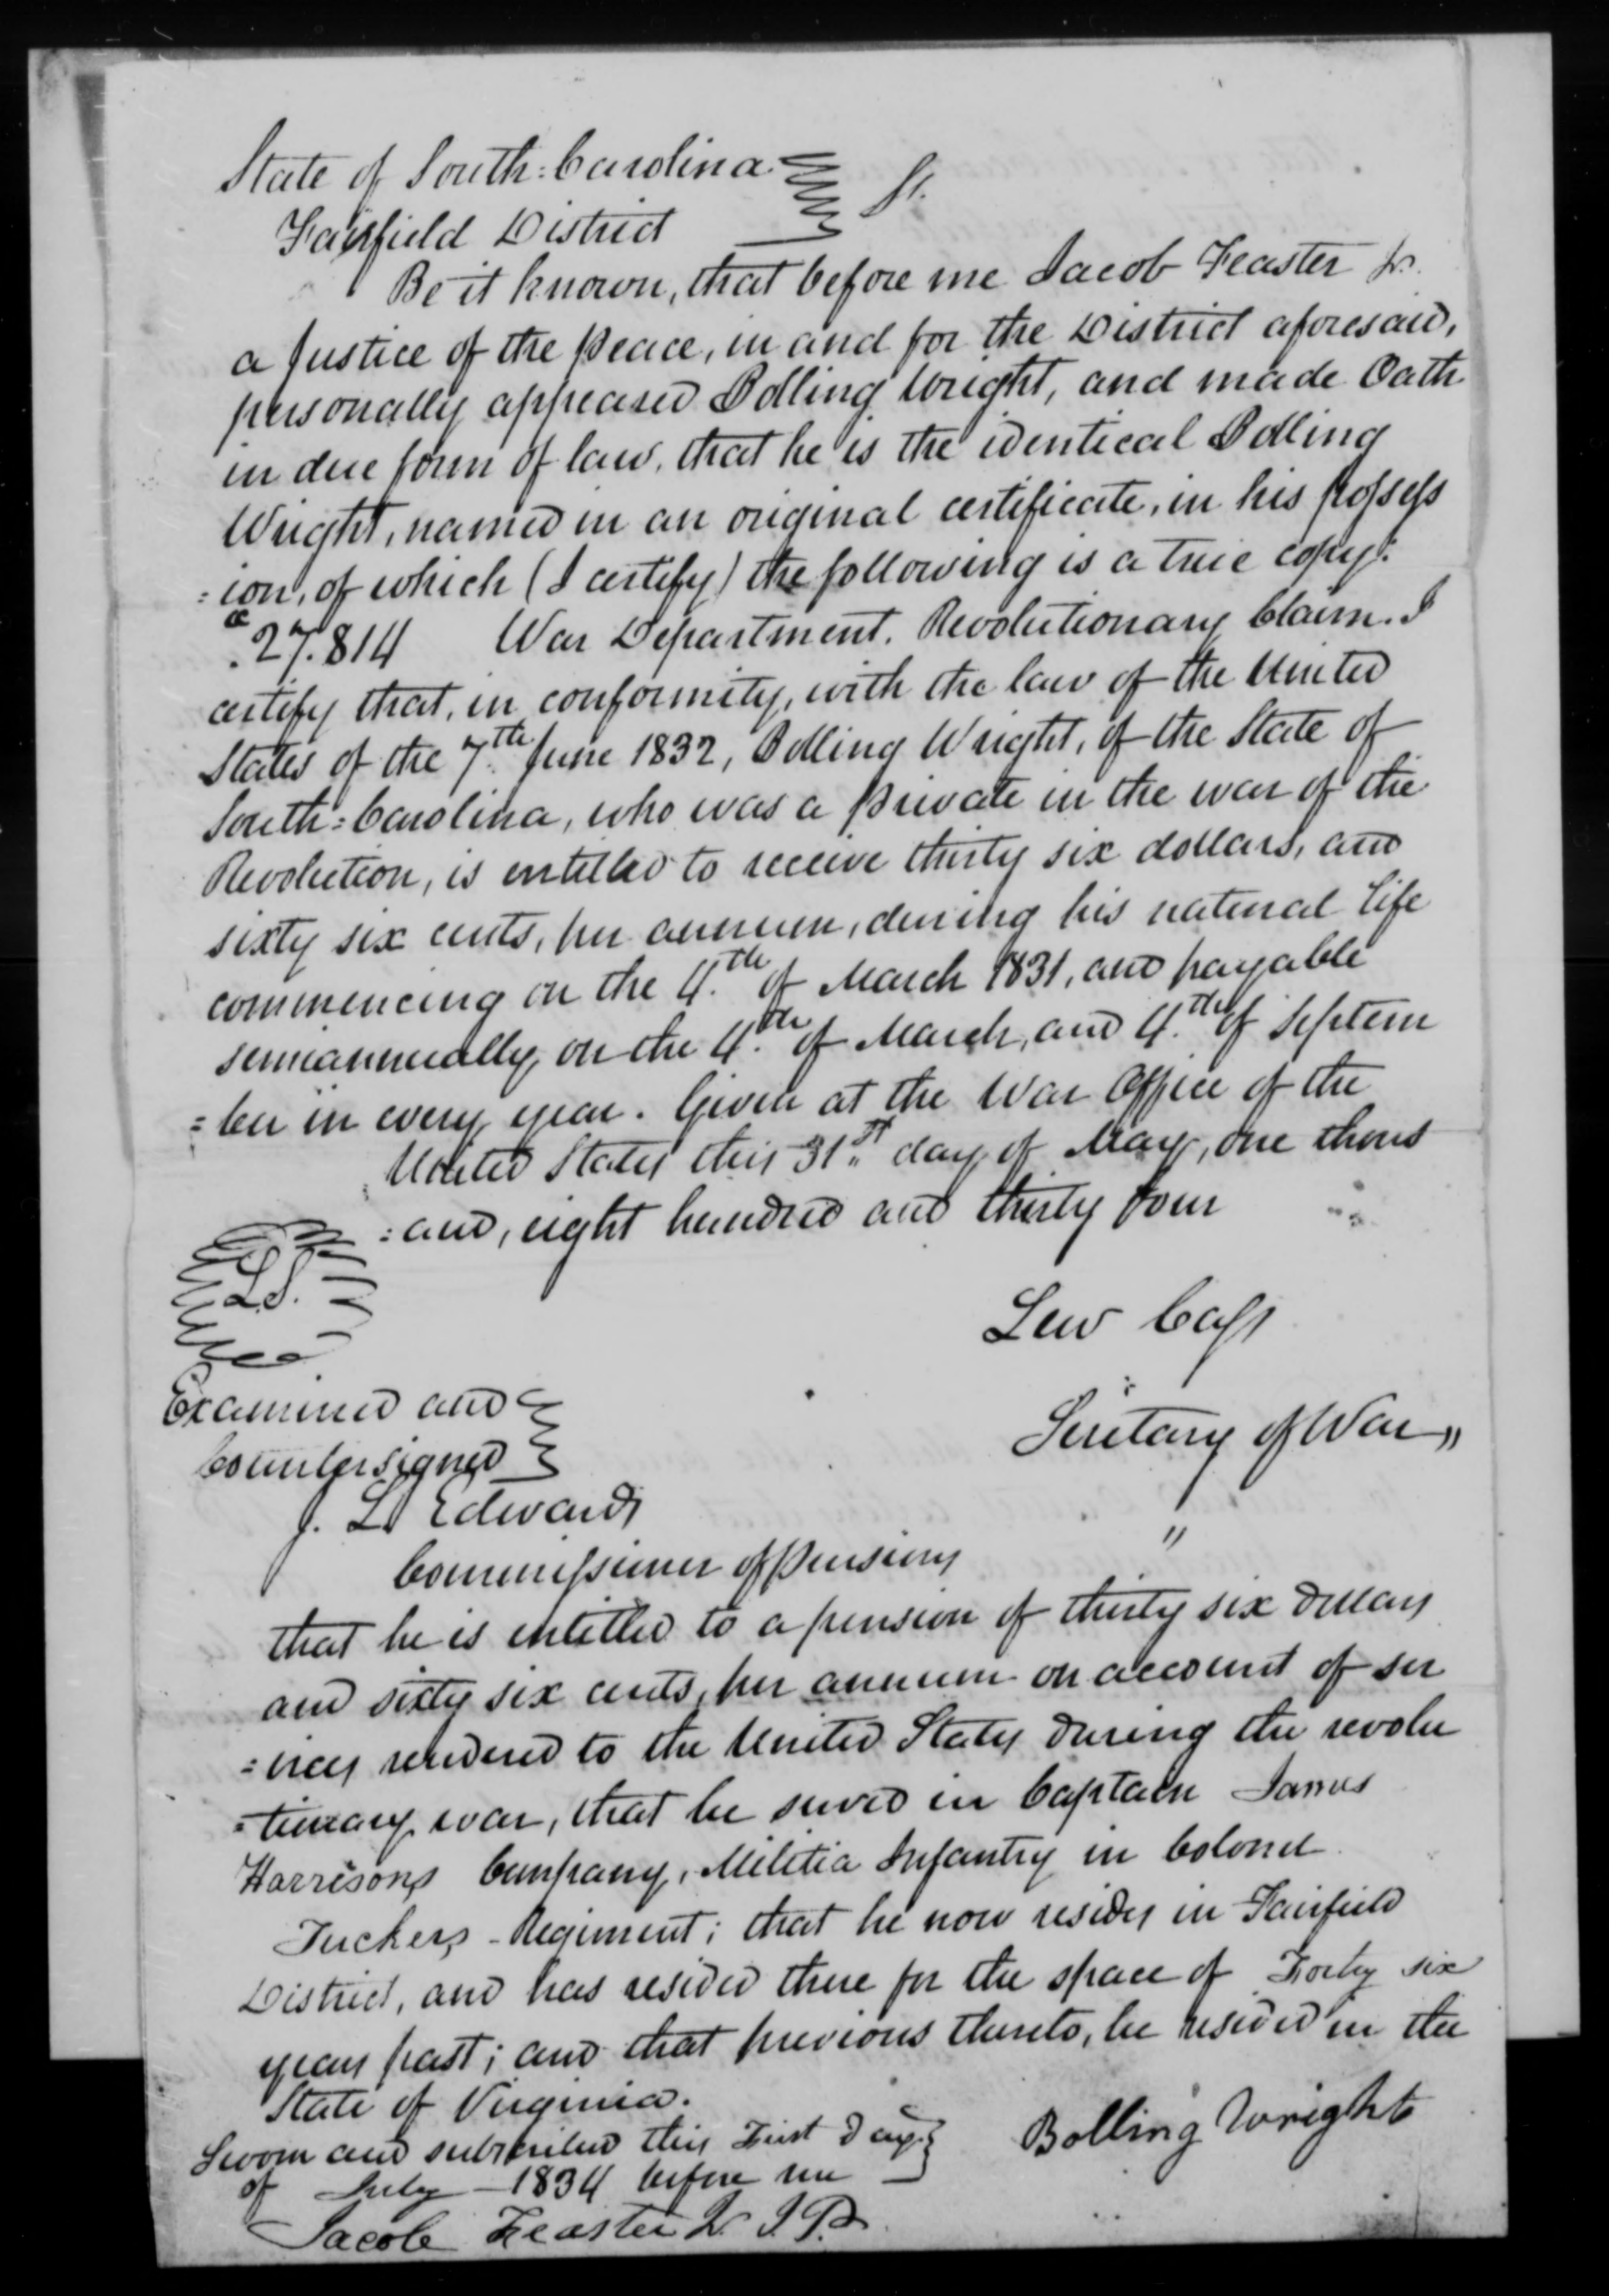State of South Carolina
Fairfield District

Be it known, that before me Jacob Feaster Jr a Justice of the peace in and for the District aforesaid, personally appeared Bolling Wright and made Oath in due form of law, that he is the identical Bolling Wright, named in the original certificate in his [illegible] of which (I Certify) the following is a true copy.  .27.814  War Department Revolutionary Claim.  I certify that in conformity with the law of the United States of the 7th July 1832, Bolling Wright, of the State of South Carolina, who was a private in the war of the Revolution, is entitled to receive thirty six dollars and sixty six cents per annum, during his natural life commencing on the 4th of March 1831 and payable semiannually on the 4th of March and 4th of September in every year.  Given at the War Office of the United States this 31st day of May, One Thousand and eight hundred and thirty four
Lew Cass
Secretary of War

Examined and Countersigned
J.L. Edwards
Commissioner of Pensions
that he is entitled to a pension of thirty six dollars and sixty six cents, per annum on account of services rendered to the United States during the revolutionary war, that he served in Captain James Harrisons Company, Militia Infantry in Colonel Tuckers Regiment, that he now resides in Fairfield District, and has resided there for the space of forty five years past; and that previous thereto be resided in the State of Virginia.
Sworn and subscribed this first day of July 1834 before me Jacob Feaster Jr, J.P.
Bolling Wright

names: Jacob Feaster, Bolling Wright, Lew Cass, J L Edwards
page: 42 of 81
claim: widow's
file: W. 5183, Bolling Wright, Va.